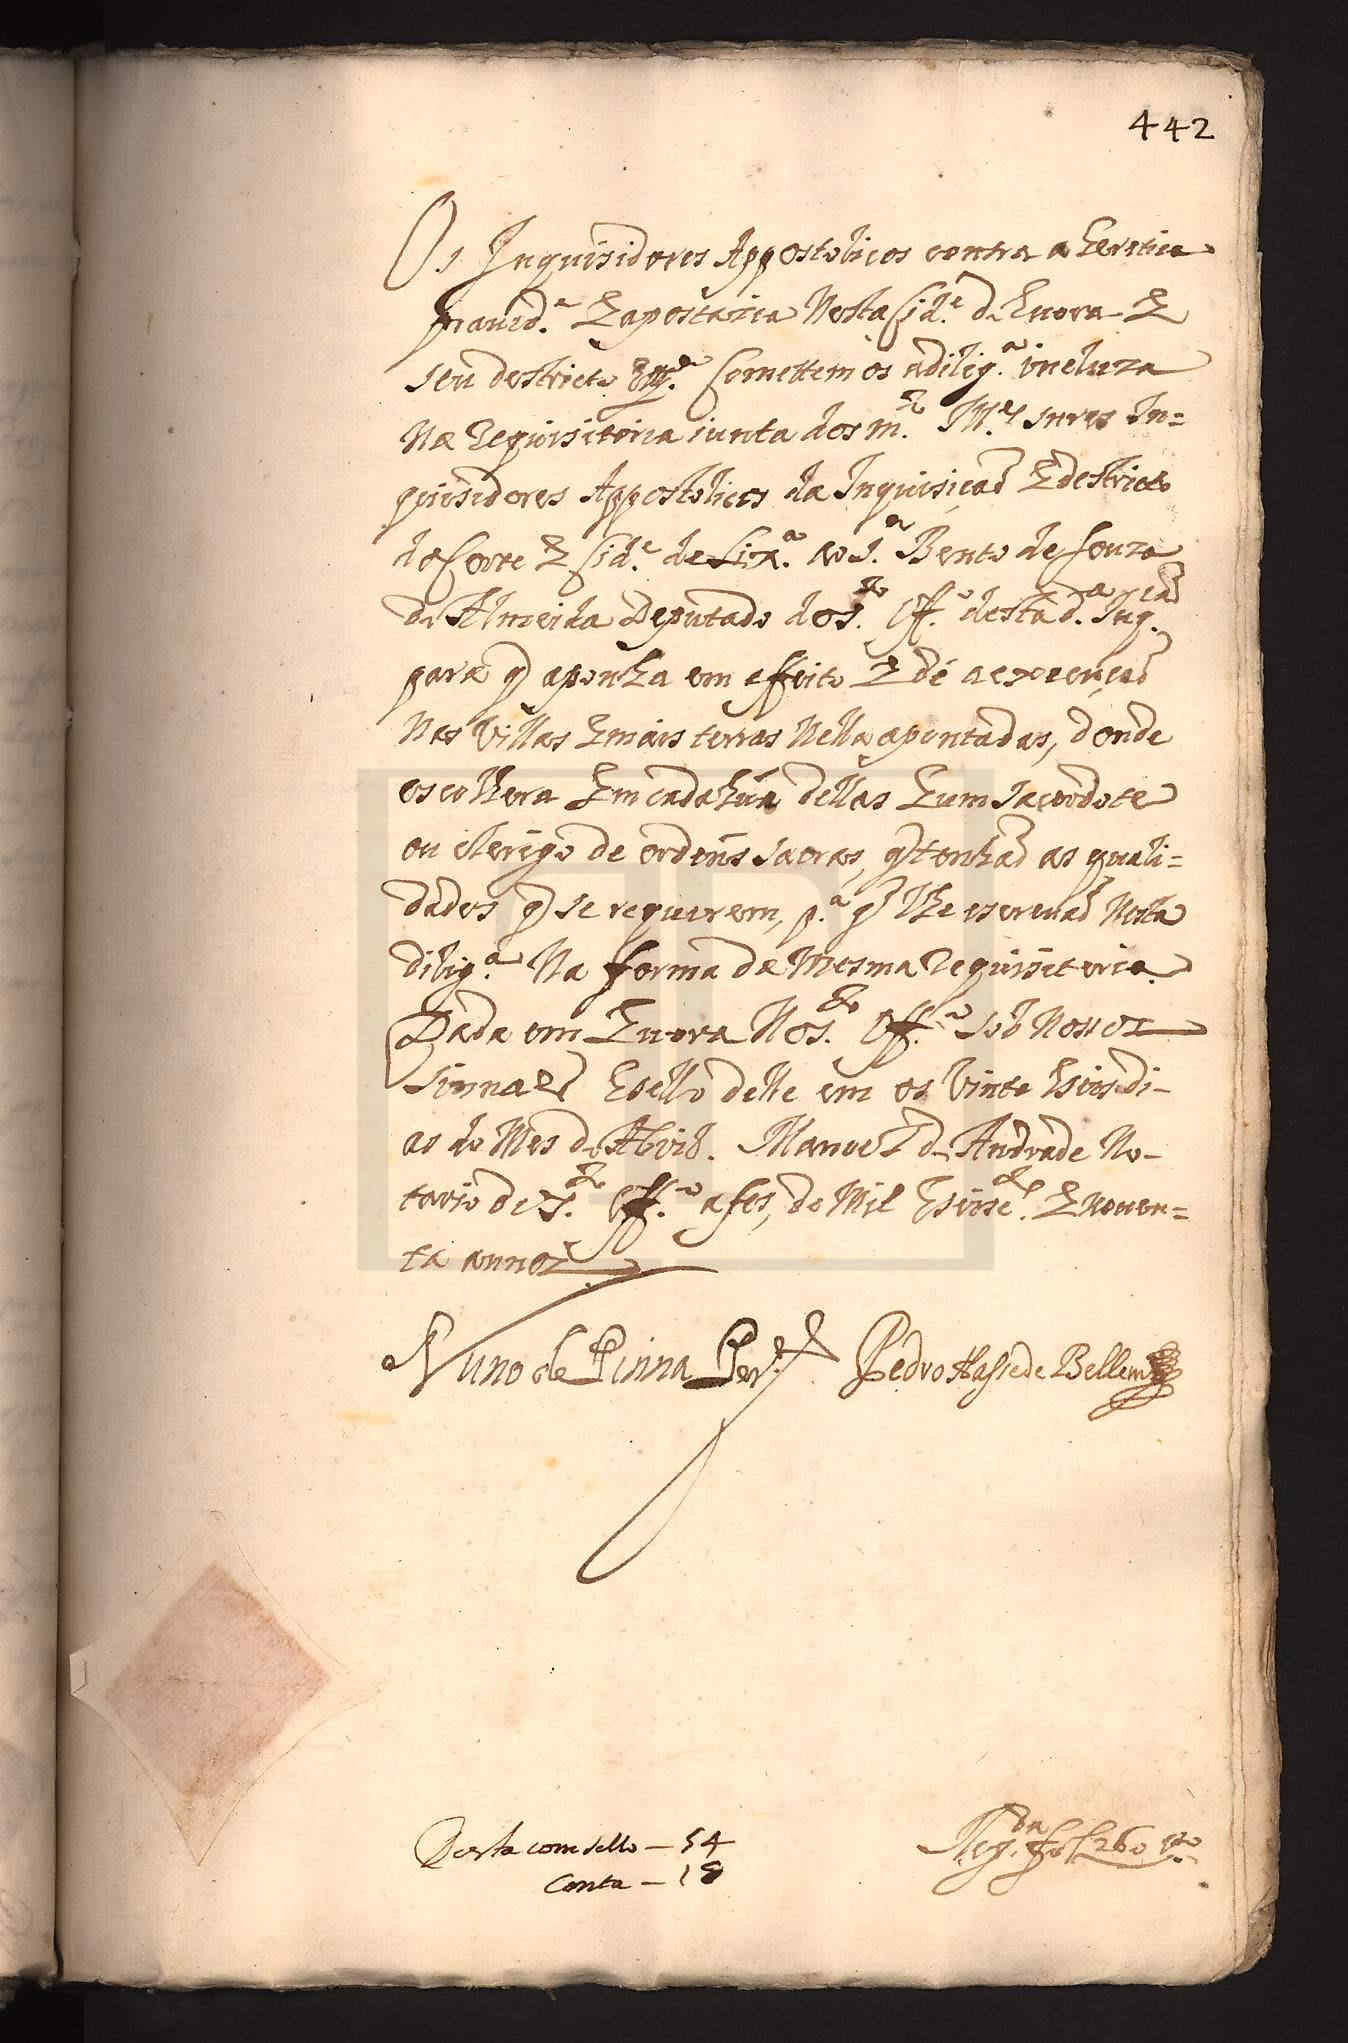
442
Os Jnquisidores Appostolicos contra a heretica
pravid.e E apostazia Nesta Cid.e de Euora E
seu destricto, Ettꝭ.a Comettemos a dilig.a incluza
na Requisitoria iunta dos m.to Ill.es snres In
quisidores Appostolicos da Inquisiçaõ E destricto
da Corte, E Cid.e de Lix.a ao S.or Bento de Souza
de Almeida Deputado do s.to Off.o desta d.a Inq.ção
para q̄ a ponha em effeito E dé a execuçaõ
nas villas E mais terras nella apontadas, donde
escolhera Em cada huā dellas hum sacerdote
ou clerigo de ordens sacras, q̄ tenhaõ as quali
dades q̄ se requerem, p.a q̄ lhe escreuaõ nesta
dilig.a na forma da mesma Requisitoria
Dada em Euora no s.to Off.o sob nossos
sinnaes E sello delle em os vinte E seis di
as do mes de Abril. Manoel de Andrade No
tario de s.to off.o a fes, de mil E seisc.tos E nouen
ta annoz
Nuno de Pinna Per.a Pedro Hasse de Bellem
Desta com sello – 54
conta – 18
Reg.da fol 260 v.o
